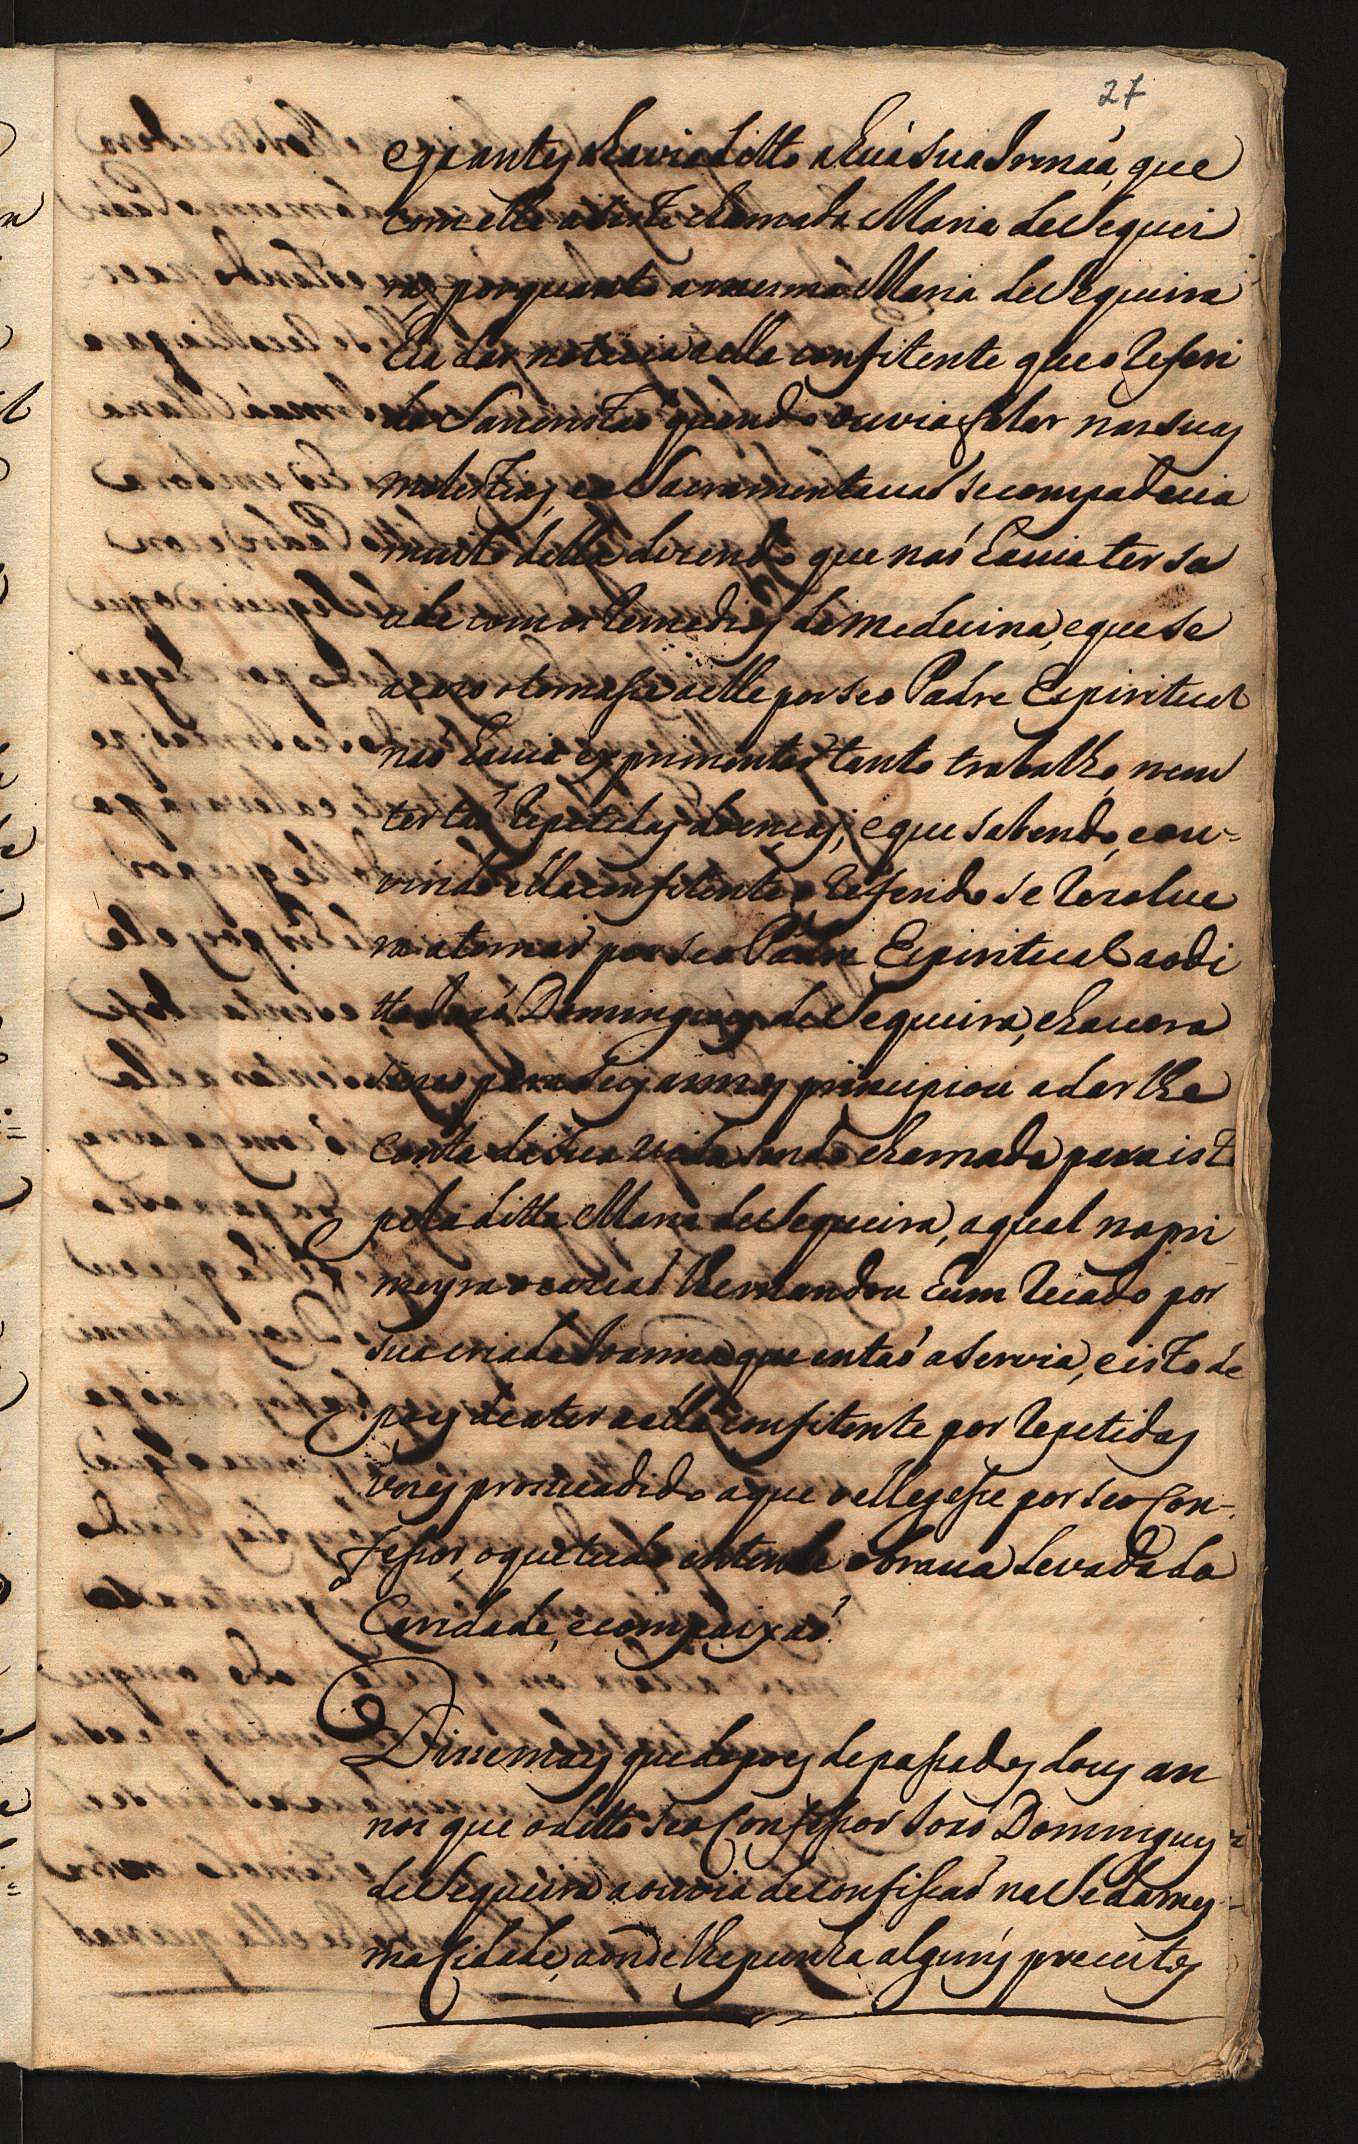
e ja antes o havia ditto a huā sua Irmaã, que
com elle asiste chamada Maria de Sequei
ra, porquanto a mesma Maria de Sequeira
hia dar noticia a ella confitente que o Referi
do Sancristaõ quando ouvia falar nas suas
molestias, e o Sacramentauaõ se compadecia
muito della dizendo que naõ hauia ter sa
ude com os Remedios da medecina, e que se
acazo o tomasse a elle por seo Padre Espiritual
naõ hauia exprimentar tanto trabalho, nem
ter taõ Repetidas doenças, e que sabendo, e ou
vindo ella confitente o Referido se Rezolue
ra a tomar por seo Padre Espiritual ao di
tto Ioaõ Domingues de Sequeira, e hauera
sinco para seis annos principiou a darlhe
conta da sua vida sendo chamada para ist
pela ditta Maria de Sequeira, a qual na pri
meyra ocaziaõ lhe mandou hum Recado por
sua criada Ioanna que entaõ a servia, e isto de
pois de a ter a ella confitente por Repetidas
vezes prossuadido a que o ellegesse por seo Con
fessor, o que tudo entende obraua levada da
Caridade, e compaixaõ?
Disse mais que depoes de passados dous an
nos que o ditto seo Confessor Ioaõ Domingues
de Sequeira a ouvia de confissaõ na Se da mes
ma Cidade, aonde lhe punha algun̄s preceitos
